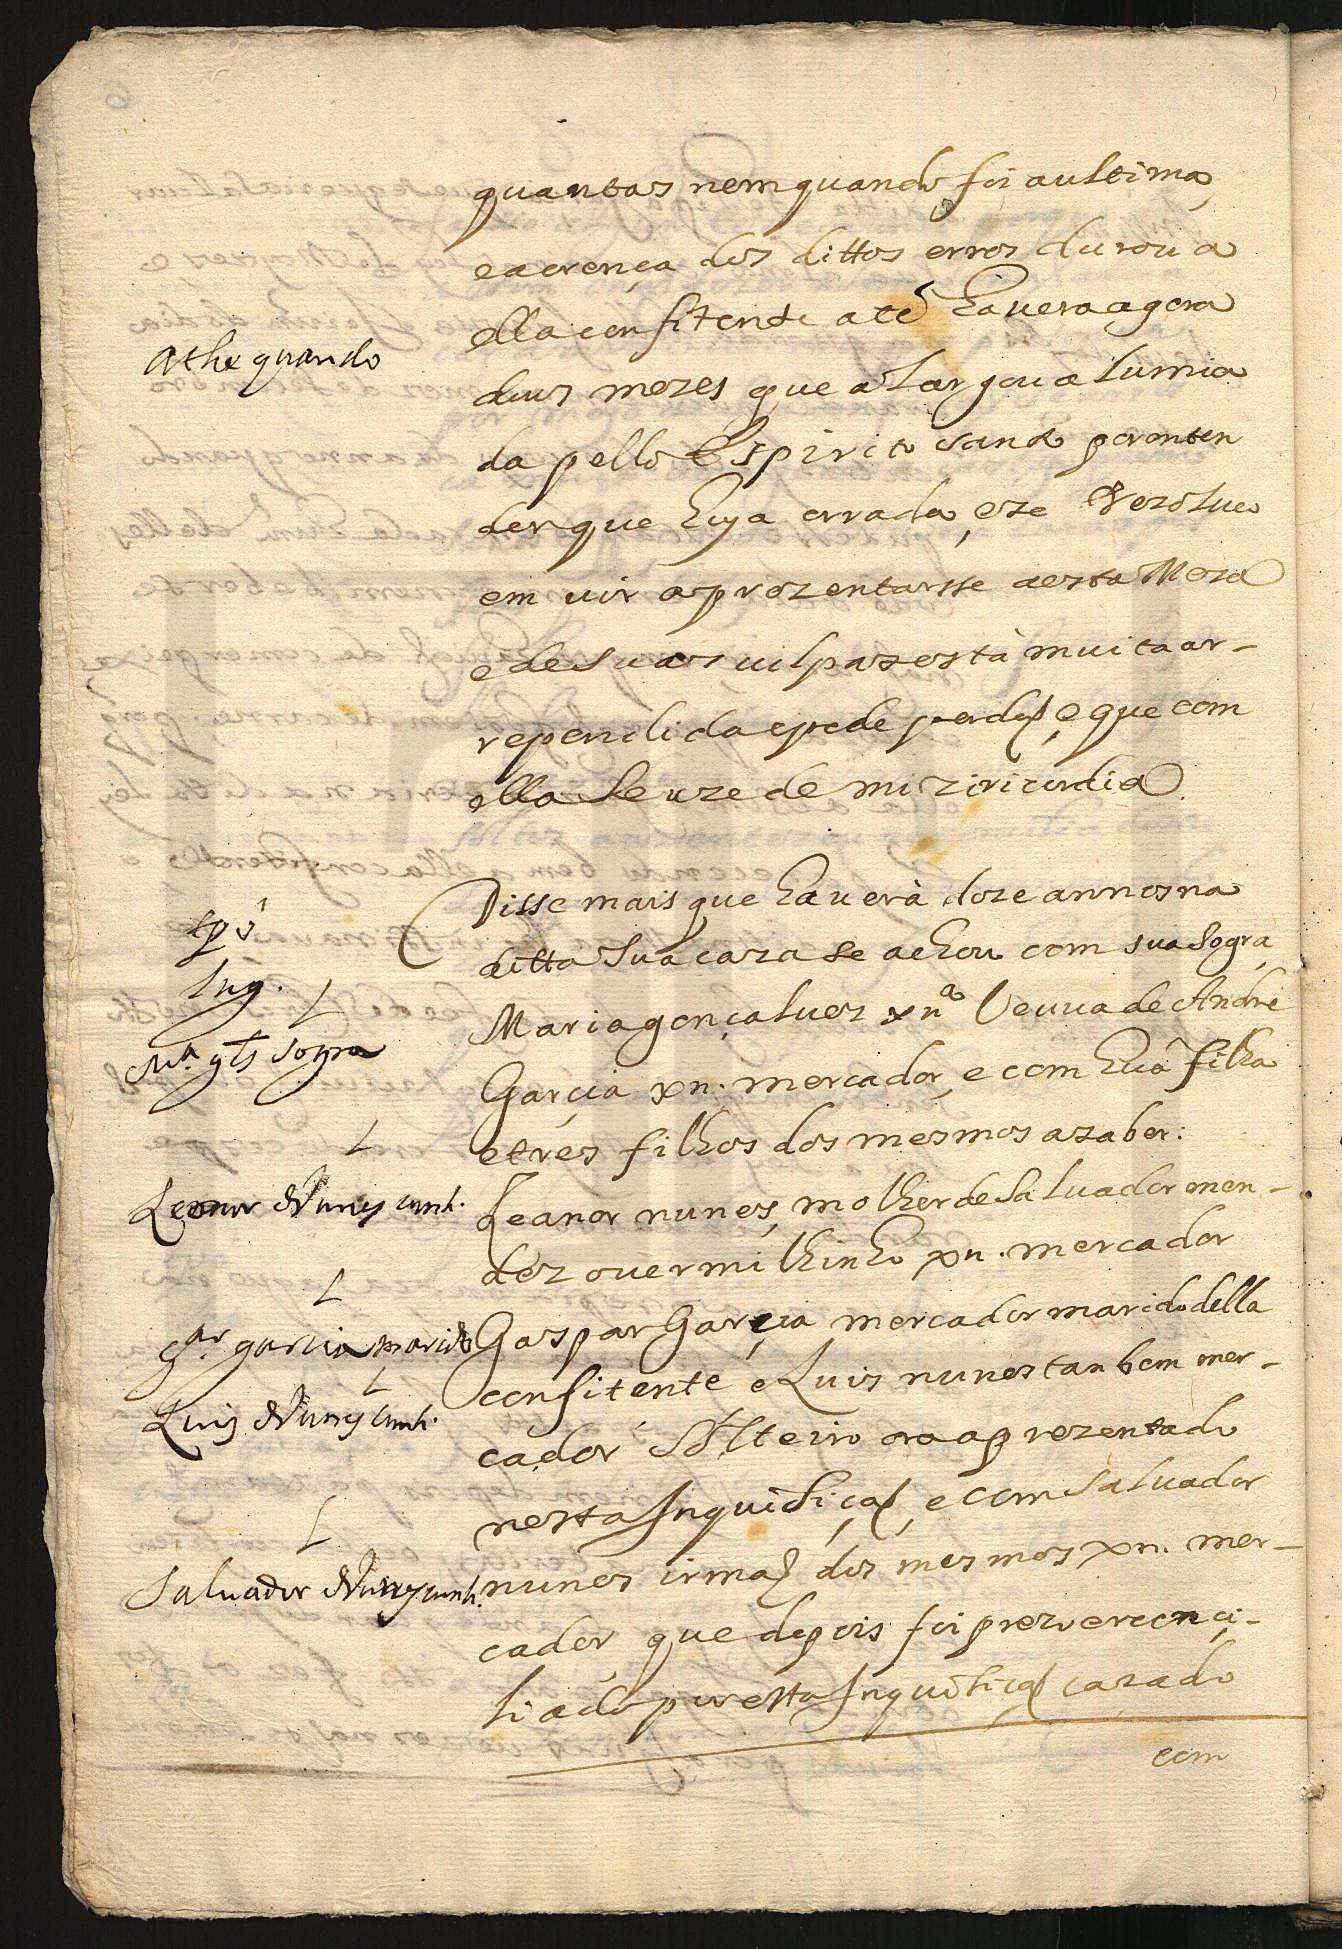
quantas nem quando foi a ultima,
e a crença dos dittos erros durou a
ella confitente até hauera agora
athe quando
dous mezes que a Largou alumia
da pello Espirito santo por enten
der que heya errada, e se rezolueo
em uir aprezentarsse a esta Meza
e de suas culpas esta muito ar
rependida e pede perdaõ, e que com
ella se uze de miziricordia.
Disse mais que hauerà doze annos na
tpō
ditta sua caza se achou com sua sogra,
Lug.
Maria gonçaluez xn Veuua de Andre
M.a gl̄s sogra
Garcia x n. mercador, e com huā filha
e tres filhos dos mesmos a saber:
Leanor nunes, molher de Saluador men
Leonor Nunes cunh
dez o uermilhinho xn. mercador
g.ar garcia marido
Gaspar Garcia, mercador marido della
confitente e Luis nunes tambem mer
Luis Nunes Cunh.
cador solteiro ora aprezentado
nesta Jnquisiçaõ, e com saluador
Saluador Nunes cunh.
nunes irmaõ dos mesmos xn. mer
cador, que depois foi prezo e reconci
liado por esta Jnquisiçaõ cazado
com
